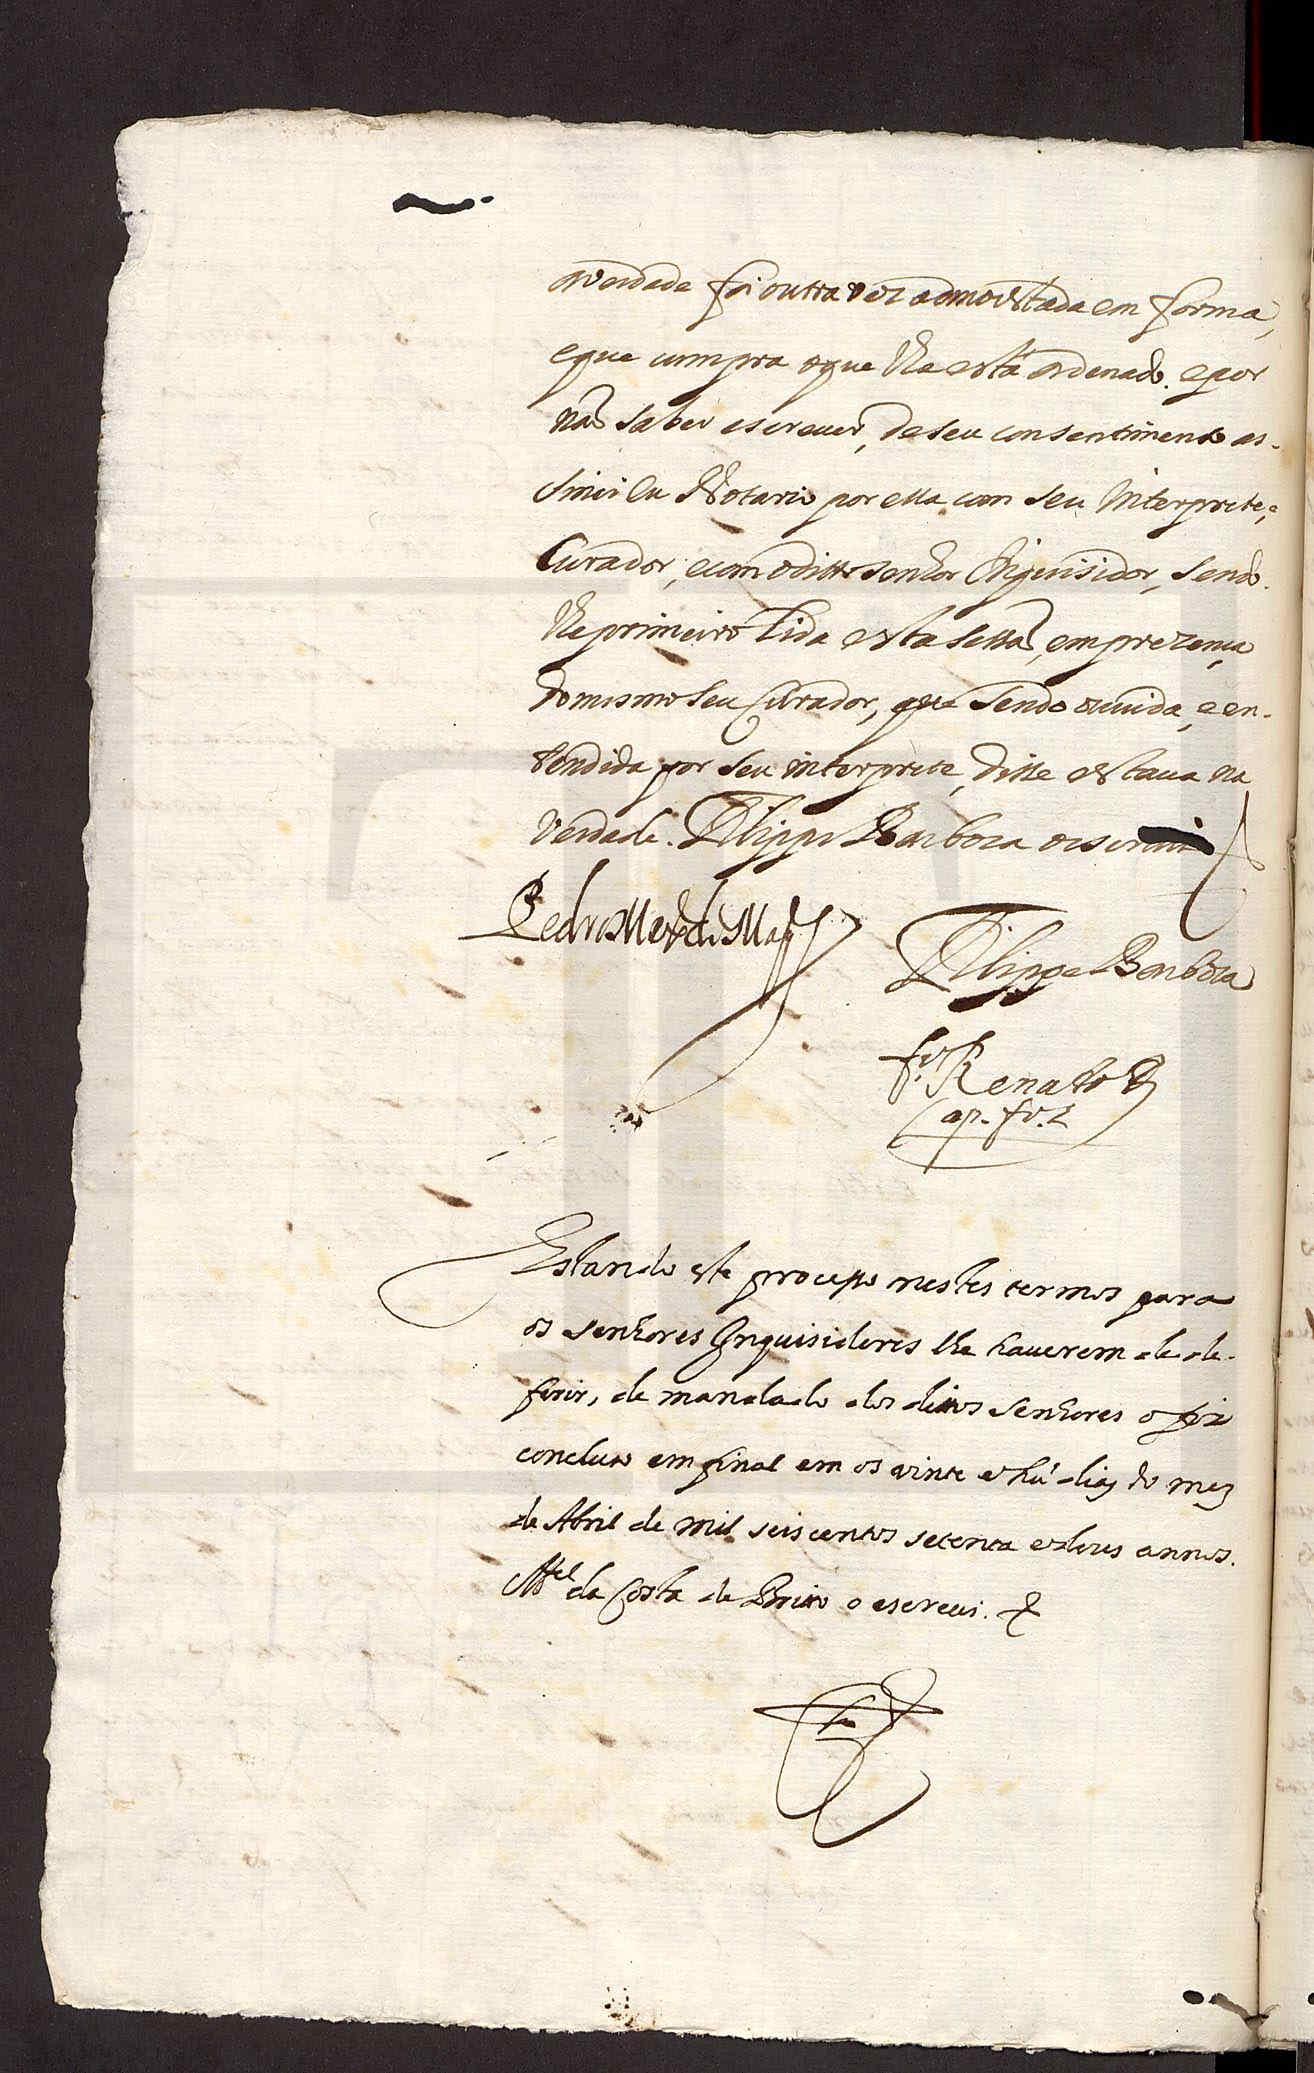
a verdade foi outra vez admoestada em forma,
e que cumpra o que lhe está ordenado. e por
naõ Saber escrever, de seu consentimento as
sinei Eu Notario por elle com seu Interprete, e
Curador, e com o ditto Senhor Inquisidor, Sendo
lhe primeiro lida esta sessaõ, em prezença
do mesmo seu Curador, que sendo ouuida, e em
tendida por seu interprete, disse estaua na
verdade. Filippe Barboza o escreui.
Pedro Mexia de Mag.es
Filippe Barboza
f.ey Renato V
Cap. fr.z
Estando este processo nestes termos para
os senhores Jnquisidores lhe hauerem de de
ferir, de mandado dos dittos senhores o fiz
concluso em final em os vinte e hū dias do mez
de Abril de mil seiscentos setenta e dous annos.
M.el da Costa Britto o escreui. &
CLo
